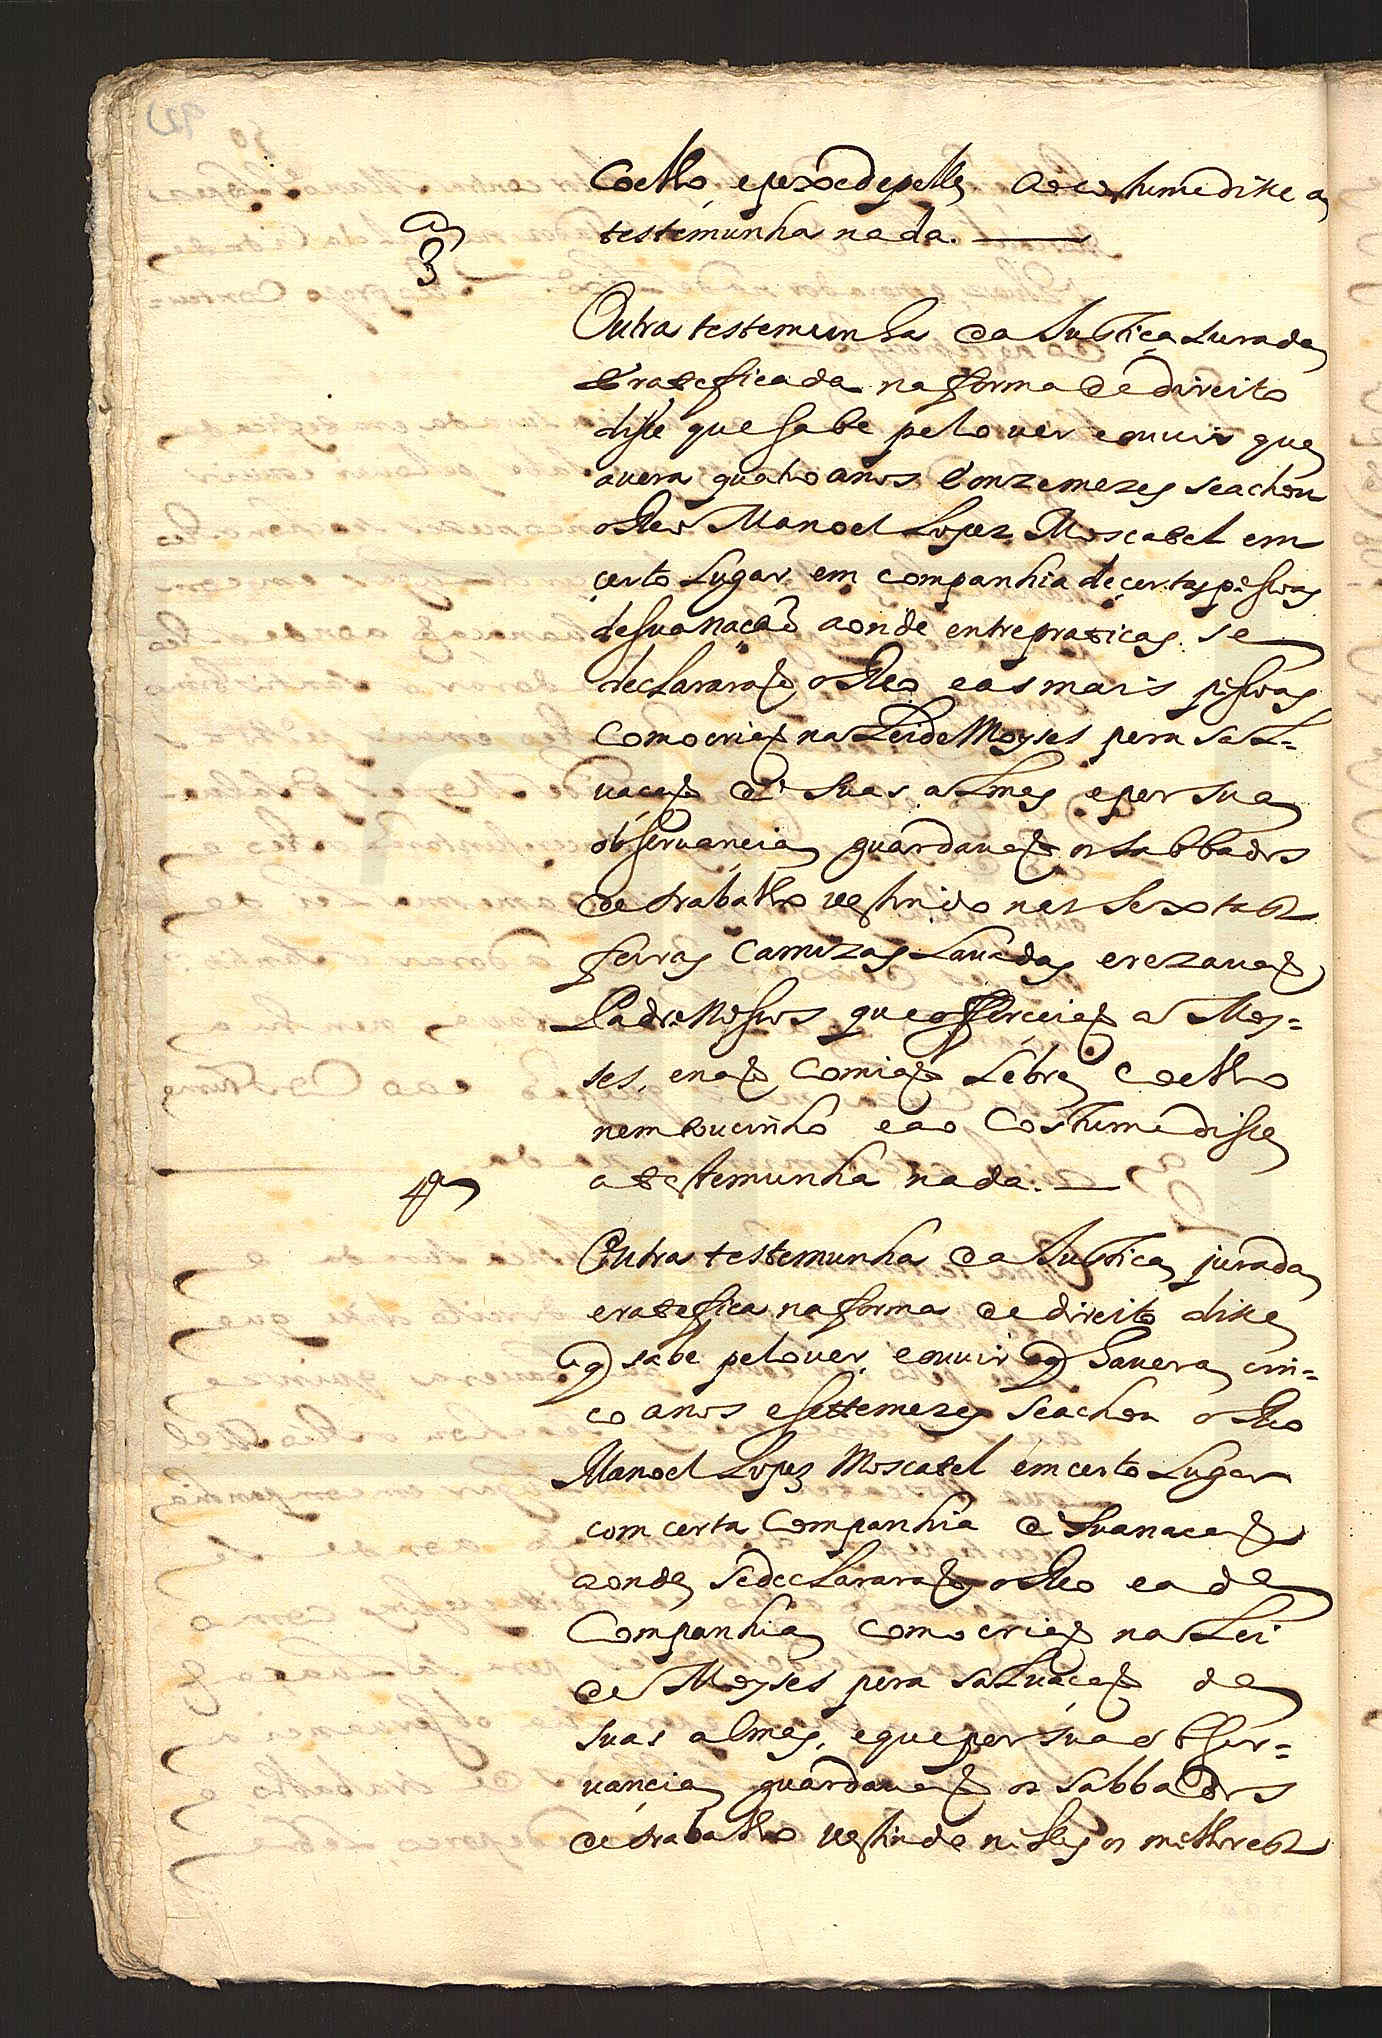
Coelho, e pexe de pelle ao costume disse a
testemunha nada. ———
Outra testemunha da Iustiça iurada
& rateficada na forma de direito
disse que sabe pelo uer e ouuir que
auera quatro anos & onze mezes se achou
o Reo Manoel Lopez Moscatel em
çerto Lugar em companhia de çertas pessoas
de sua naçaõ aonde entre praticas se
decLararaõ o Reo e as mais pessoas
como criaõ na Lei de Moyses pera saL
uaçaõ de Suas aLmas e por sua
obseruancia guardauaõ os sabbados
de trabalho uestindo nas Sextas
feitas camizas Lauadas e rezauaõ
Padre Nossos que offereçiaõ a Moj
ses, e naõ comiaõ Lebre coelho
nem toucinho e ao costume disse
a testemunha nada.
Outra testemunha da Iustica jurada
e rateficada na forma de direito disse
q̄ sabe pelo uer, e ouuir q̄ hauera cin
co anos e sette mezes se achou o Reo
Manoel Lopez Moscatel em certo Lugar
com certa companhia de Sua nacaõ
aonde se decLararaõ o Reo e a da
Companhia como criaõ na Lei
de Moyses per saluaçaõ de
Suas almas, e que por sua obser
uançia guardauaõ os Sabbados
de trabalho uestindo neles os melhores
